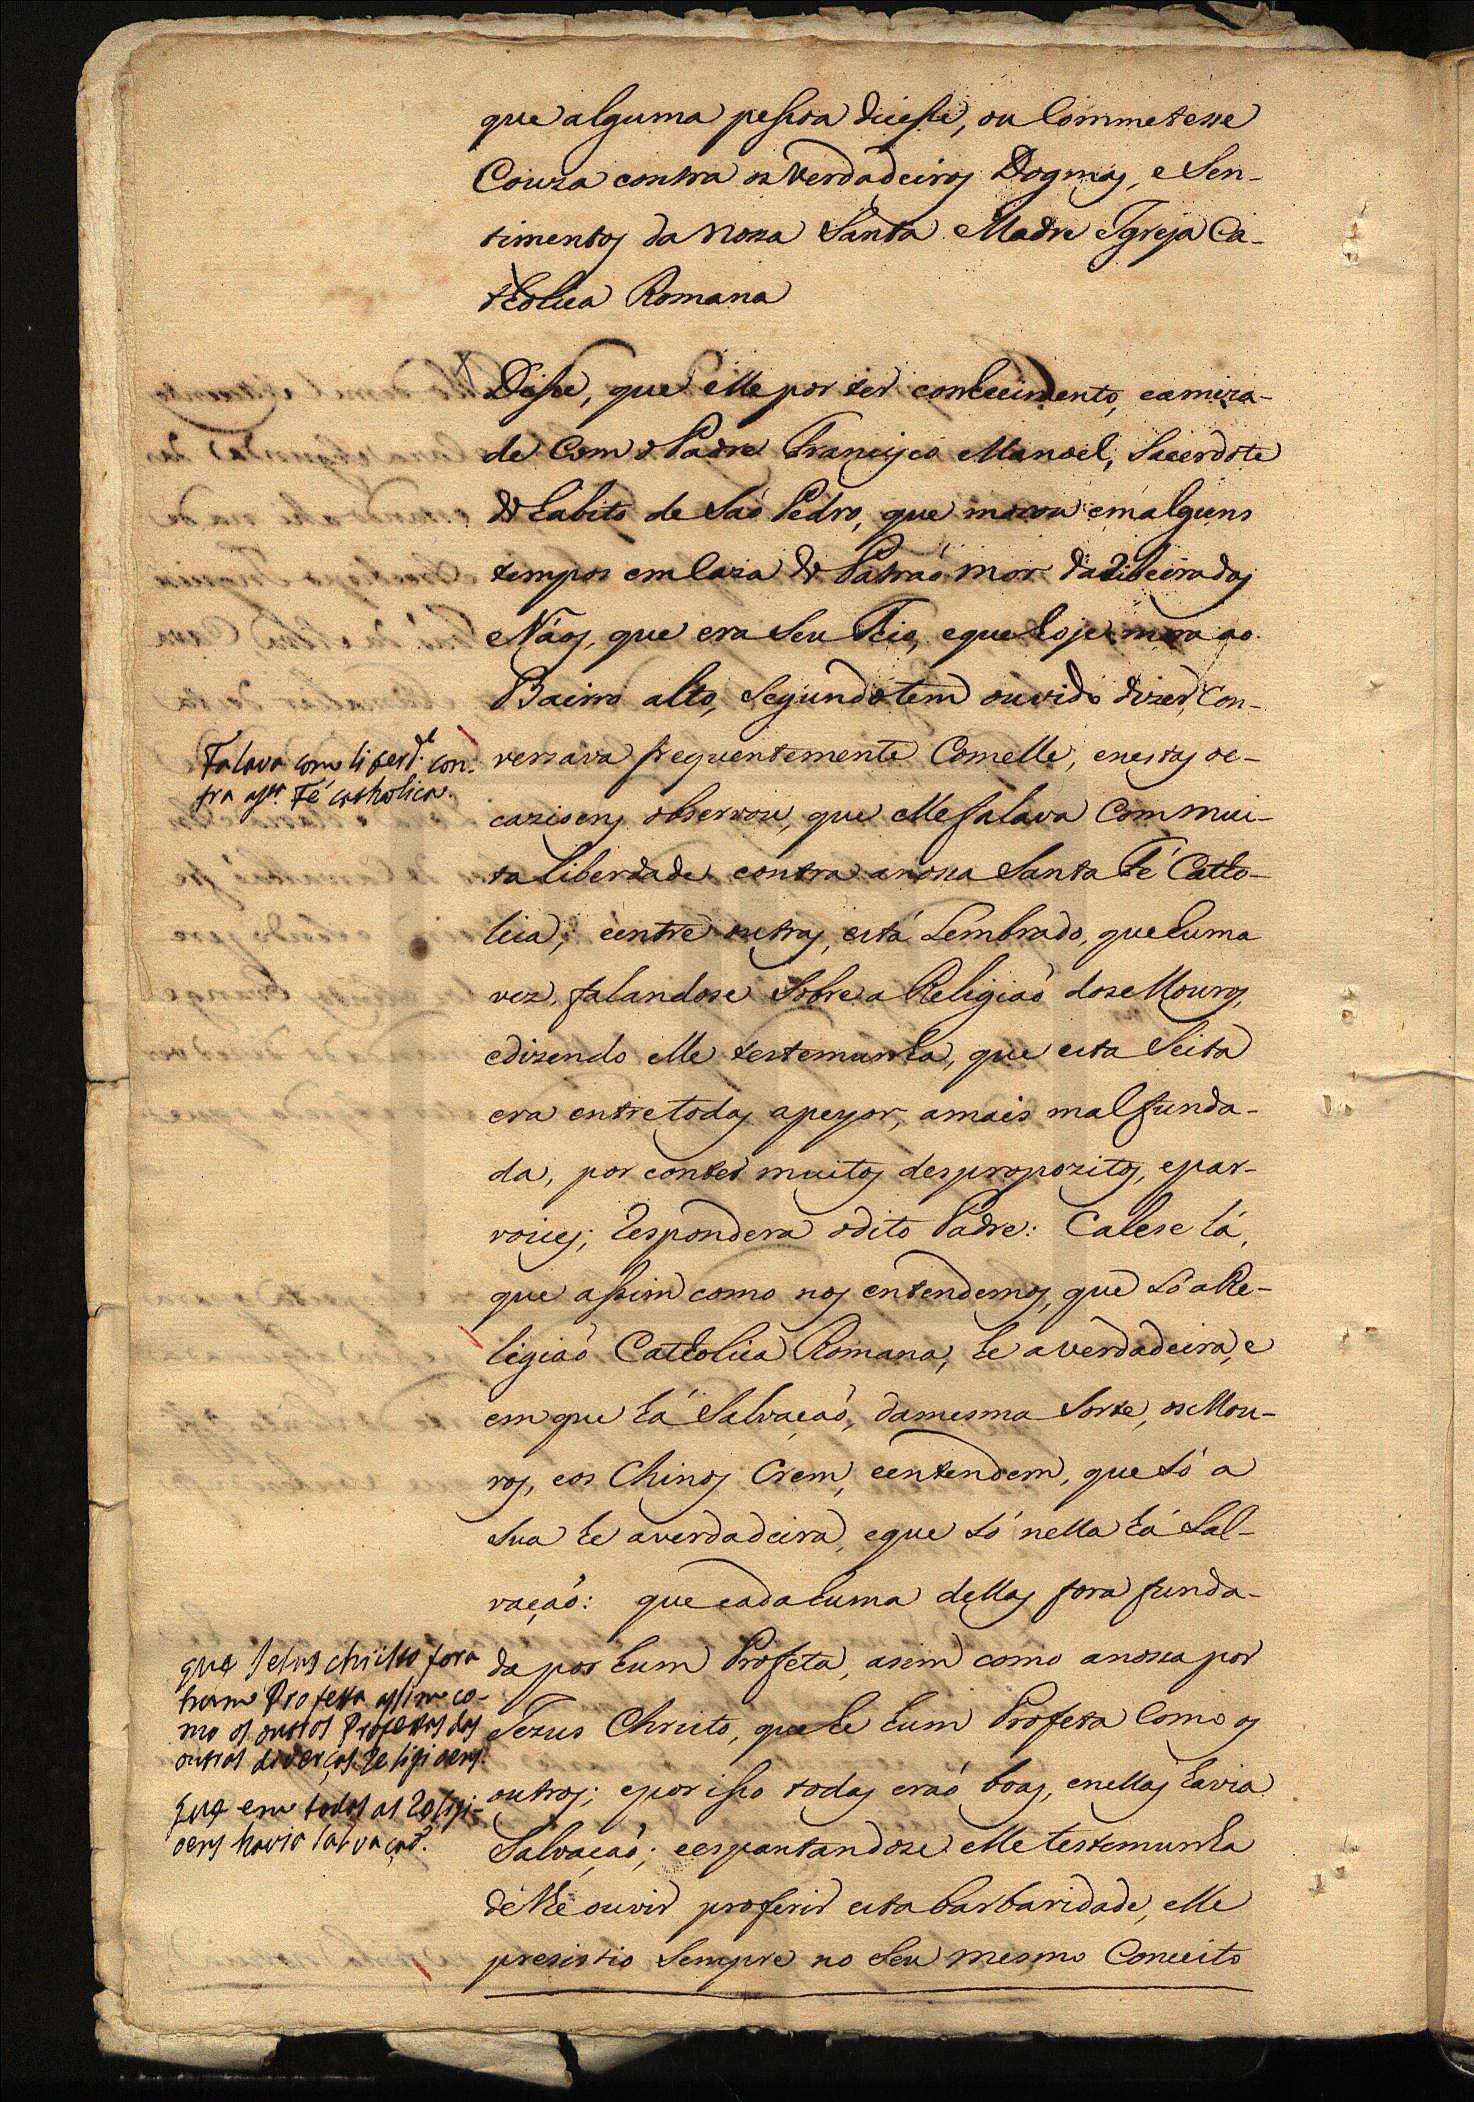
que alguma pessoa dicesse, ou Commetesse
Couza contra os verdadeiros Dogmas, e Sen
timentos da nossa Santa Madre Igreja Ca
tholica Romana
Disse, que elle por ter conhecimento, e amiza
de com o Padre Francisco Manoel, Sacerdote
do habito de Saõ Pedro, que morou em alguns
tempos em Caza do Patraõ mor da Ribeira das
Náos, que era Seu Thio, e que hoje mora ao
Bairro alto, segundo tem ouvido dizer, con
Falava como liberd.e con
tra a s.ta Fé catholica.
versava frequentemente Com elle, e nestas oc
cazioens observou, que elle falava com mui
ta Liberdade contra a nossa Santa Fé Catho
lica; e entre outras, está Lembrado, que huma
vez, falandose sobre a Religiaõ dos Mouros,
e dizendo elle testemunha, que esta Seita
era entre todas a peyor, a mais mal funda
da, por conter muitos despropozitos, e par
voices; Respondera o dito Padre: Calese lá,
que assim como nos entendemos, que so a Re
ligiaõ Catholica Romana, he a verdadeira, e
em que há Salvaçaõ, da mesma Sorte, os Mou
ros, e os Chinos crem, e entendem, que só a
sua he a verdadeira, e que só nella há Sal
vaçaõ: que cada huma dellas fora funda
que Iesus christo fora
hum Profetta assim co
mo os outros Profetas das
outras diverças Religioens
da por hum Profeta, asim como a nossa por
Iezus Christo, que he hum Profeta, como os
outros; e por isso todas eraõ boas, e nellas havia
que em todos as Religi
oens havia salvaçaõ.
Salvaçaõ; e espantandose elle testemunha
de lhe ouvir proferir esta barbaridade, elle
presistio Sempre no Seu mesmo Conceito
